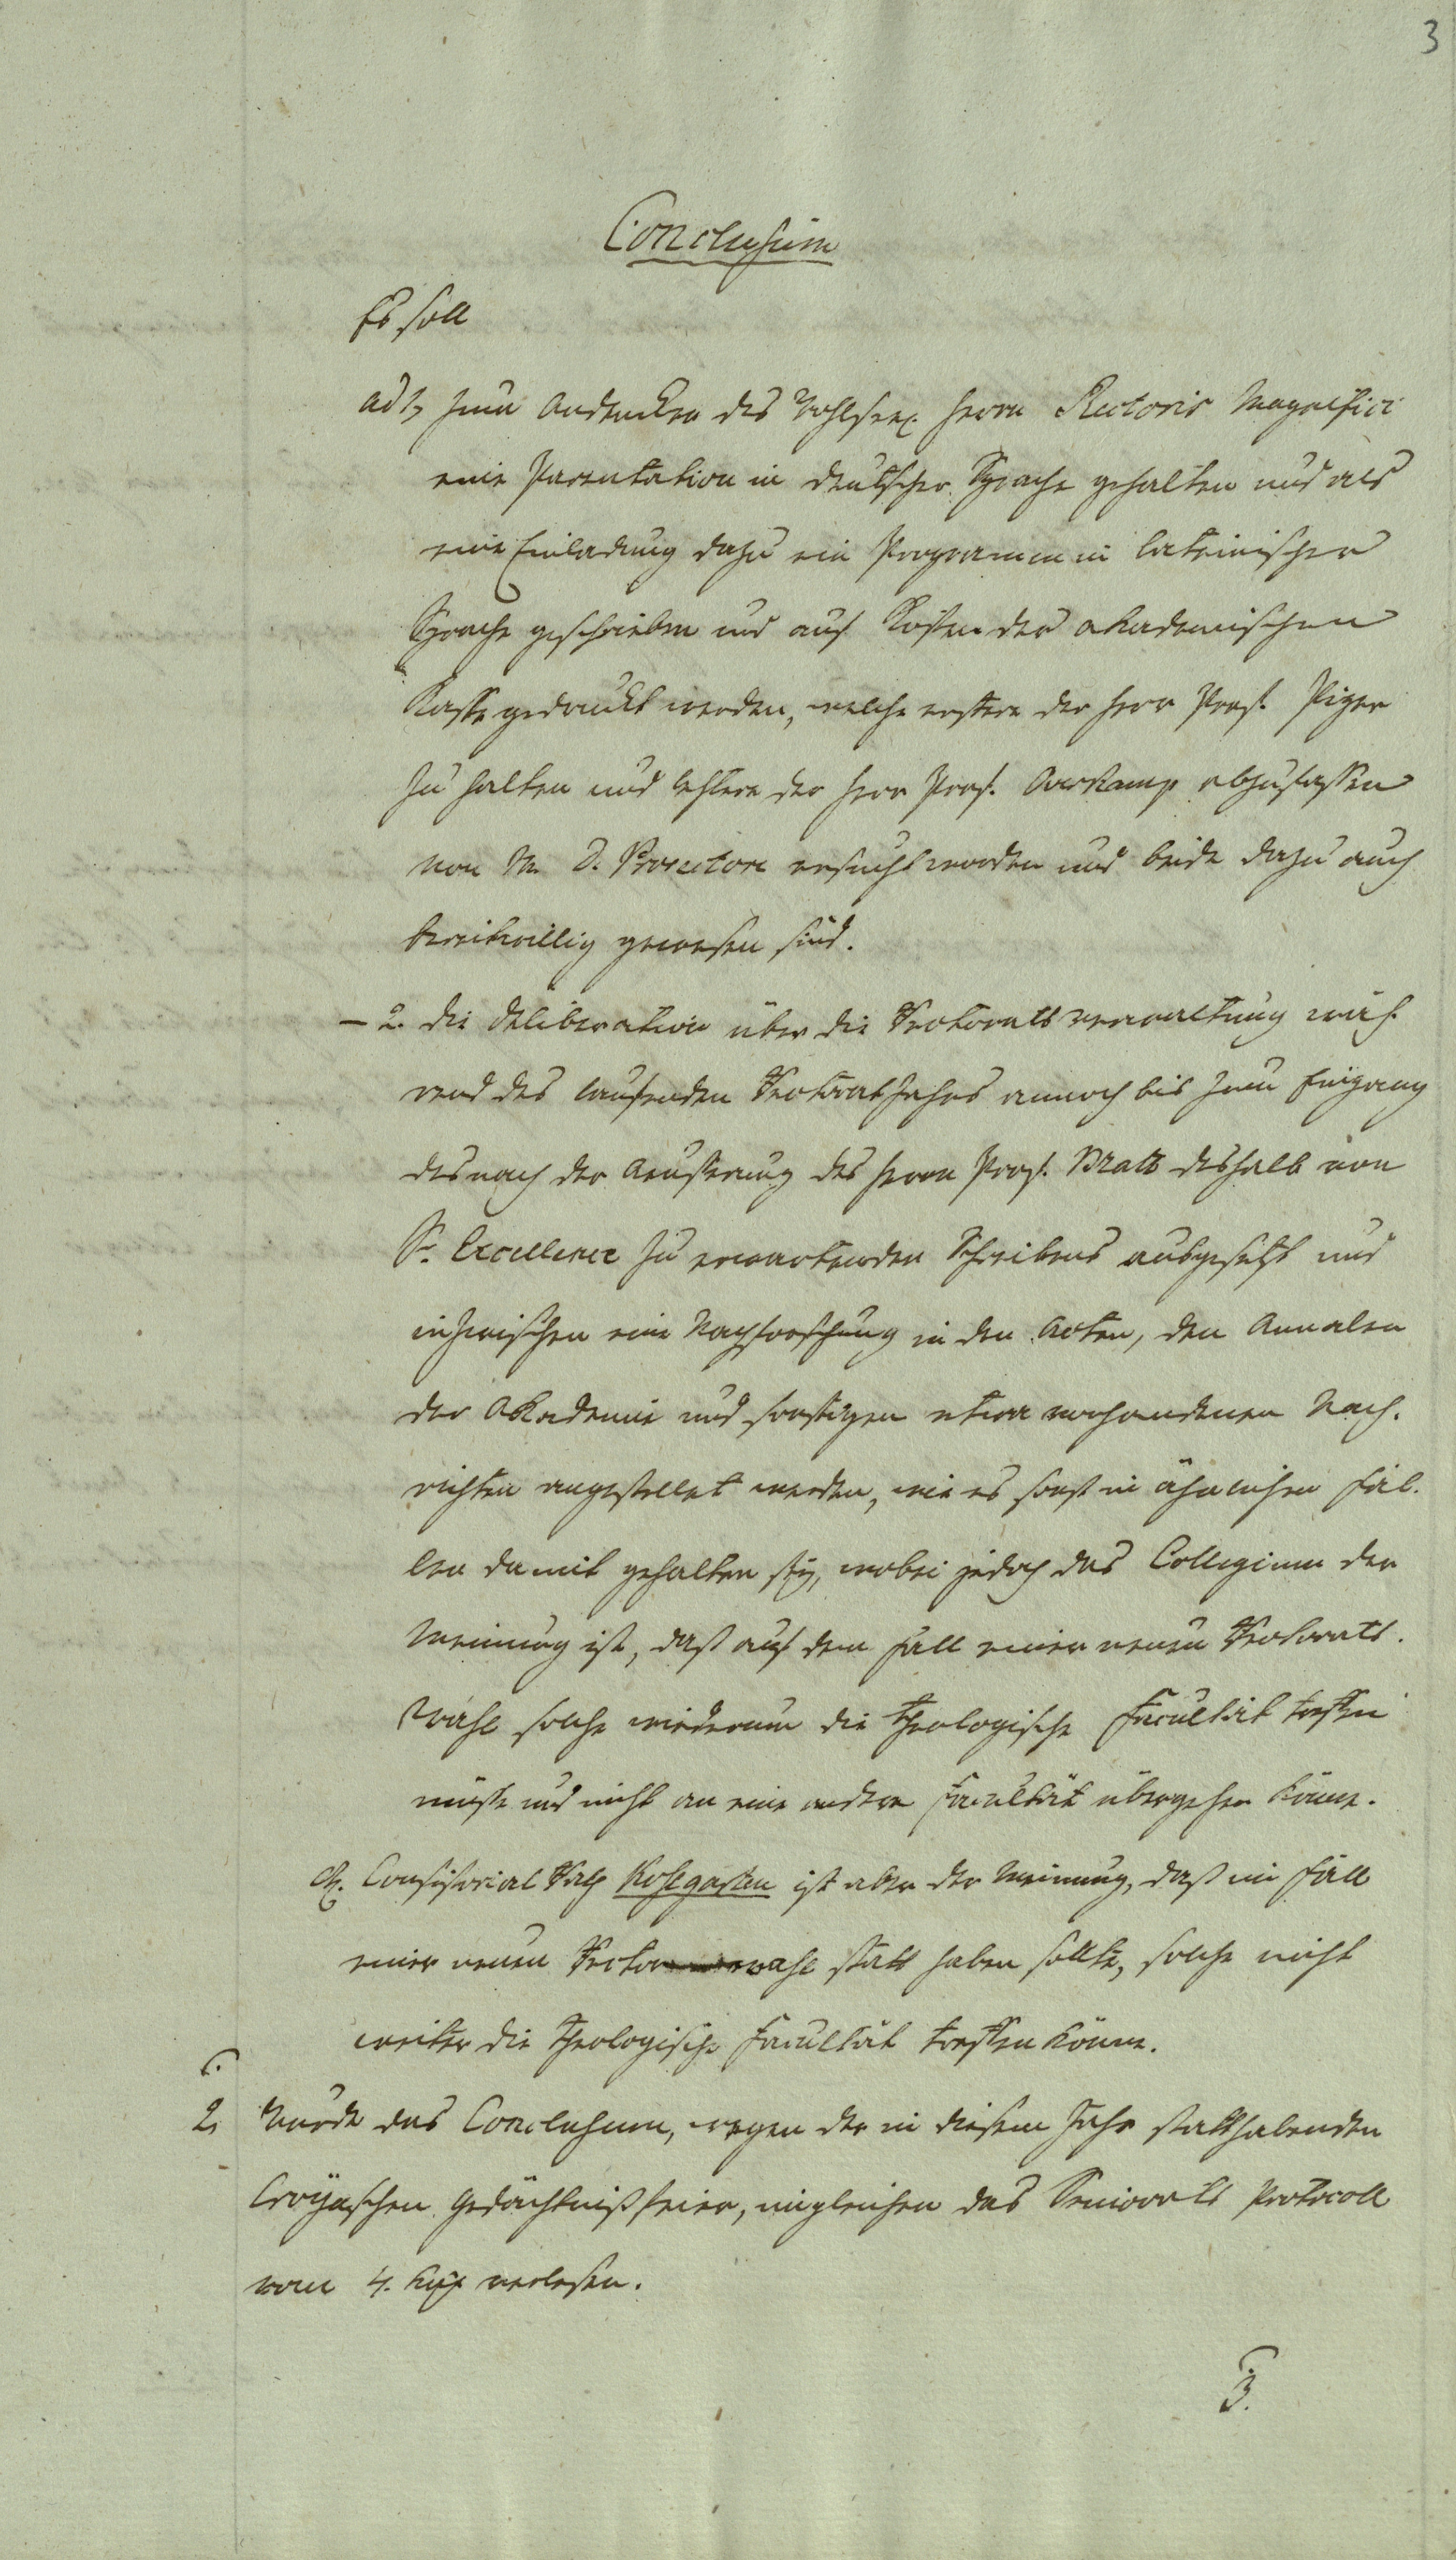Conclusum
Es soll
ad 1, zum Andencken des Wohlseel. herrn Rectoris Magnifici
eine Parentation in der deutschen Sprache gehalten und als
eine Einladung dazu ein Programm in lateinischer
Sprache geschrieben und auf Kosten der akademischen
Kasse gedruckt werden, welche erstere der herr Prof. Piper
zu halten und letztere der herr Prof. Overkamp abzulassen
von M. D. Prorectore ersucht worden und beide dazu auch
bereitwillig gewesen sind.
2. Die Deliberation über die Rectoratsverwaltung wäh¬
rend des laufenden Rectoratjahres annoch bis zum Eingang
des nach der Äusserung des herrn Prof. Bratt deshalb von
Sr. Excellence zu erwartenden Schreibens ausgesetzt und
inzwischen eine Nachforschung in den Acten, den Annalen
der Akademie und sonstigen etwa vorhandenen Nach¬
richten angestellet werden, wie es sonst in ähnlichen Fäl¬
len damit gehalten seÿ, wobei jedoch das Collegium der
Meinung ist, daß auf dem Fall einer neuen Rectorats¬
Wahl solche wiederum die Theologische Facultät treffen
müsse und nicht an eine andere Facultät übergehen könne.
dh. Consisorial Rath Kosegarten ist aber der Meinung, daß im Fall
einer neuen Rectorwiederwahl statt haben sollte, solche nicht
weiter die Theologische Facultät treffen könne.
2. Wurde das Conclusum, wegen der in diesem statthabenden
Croÿeschen Gedächtnißfeier, imgleichen das Seniorats Protocoll
vom 4. huj. verlesen.
3.